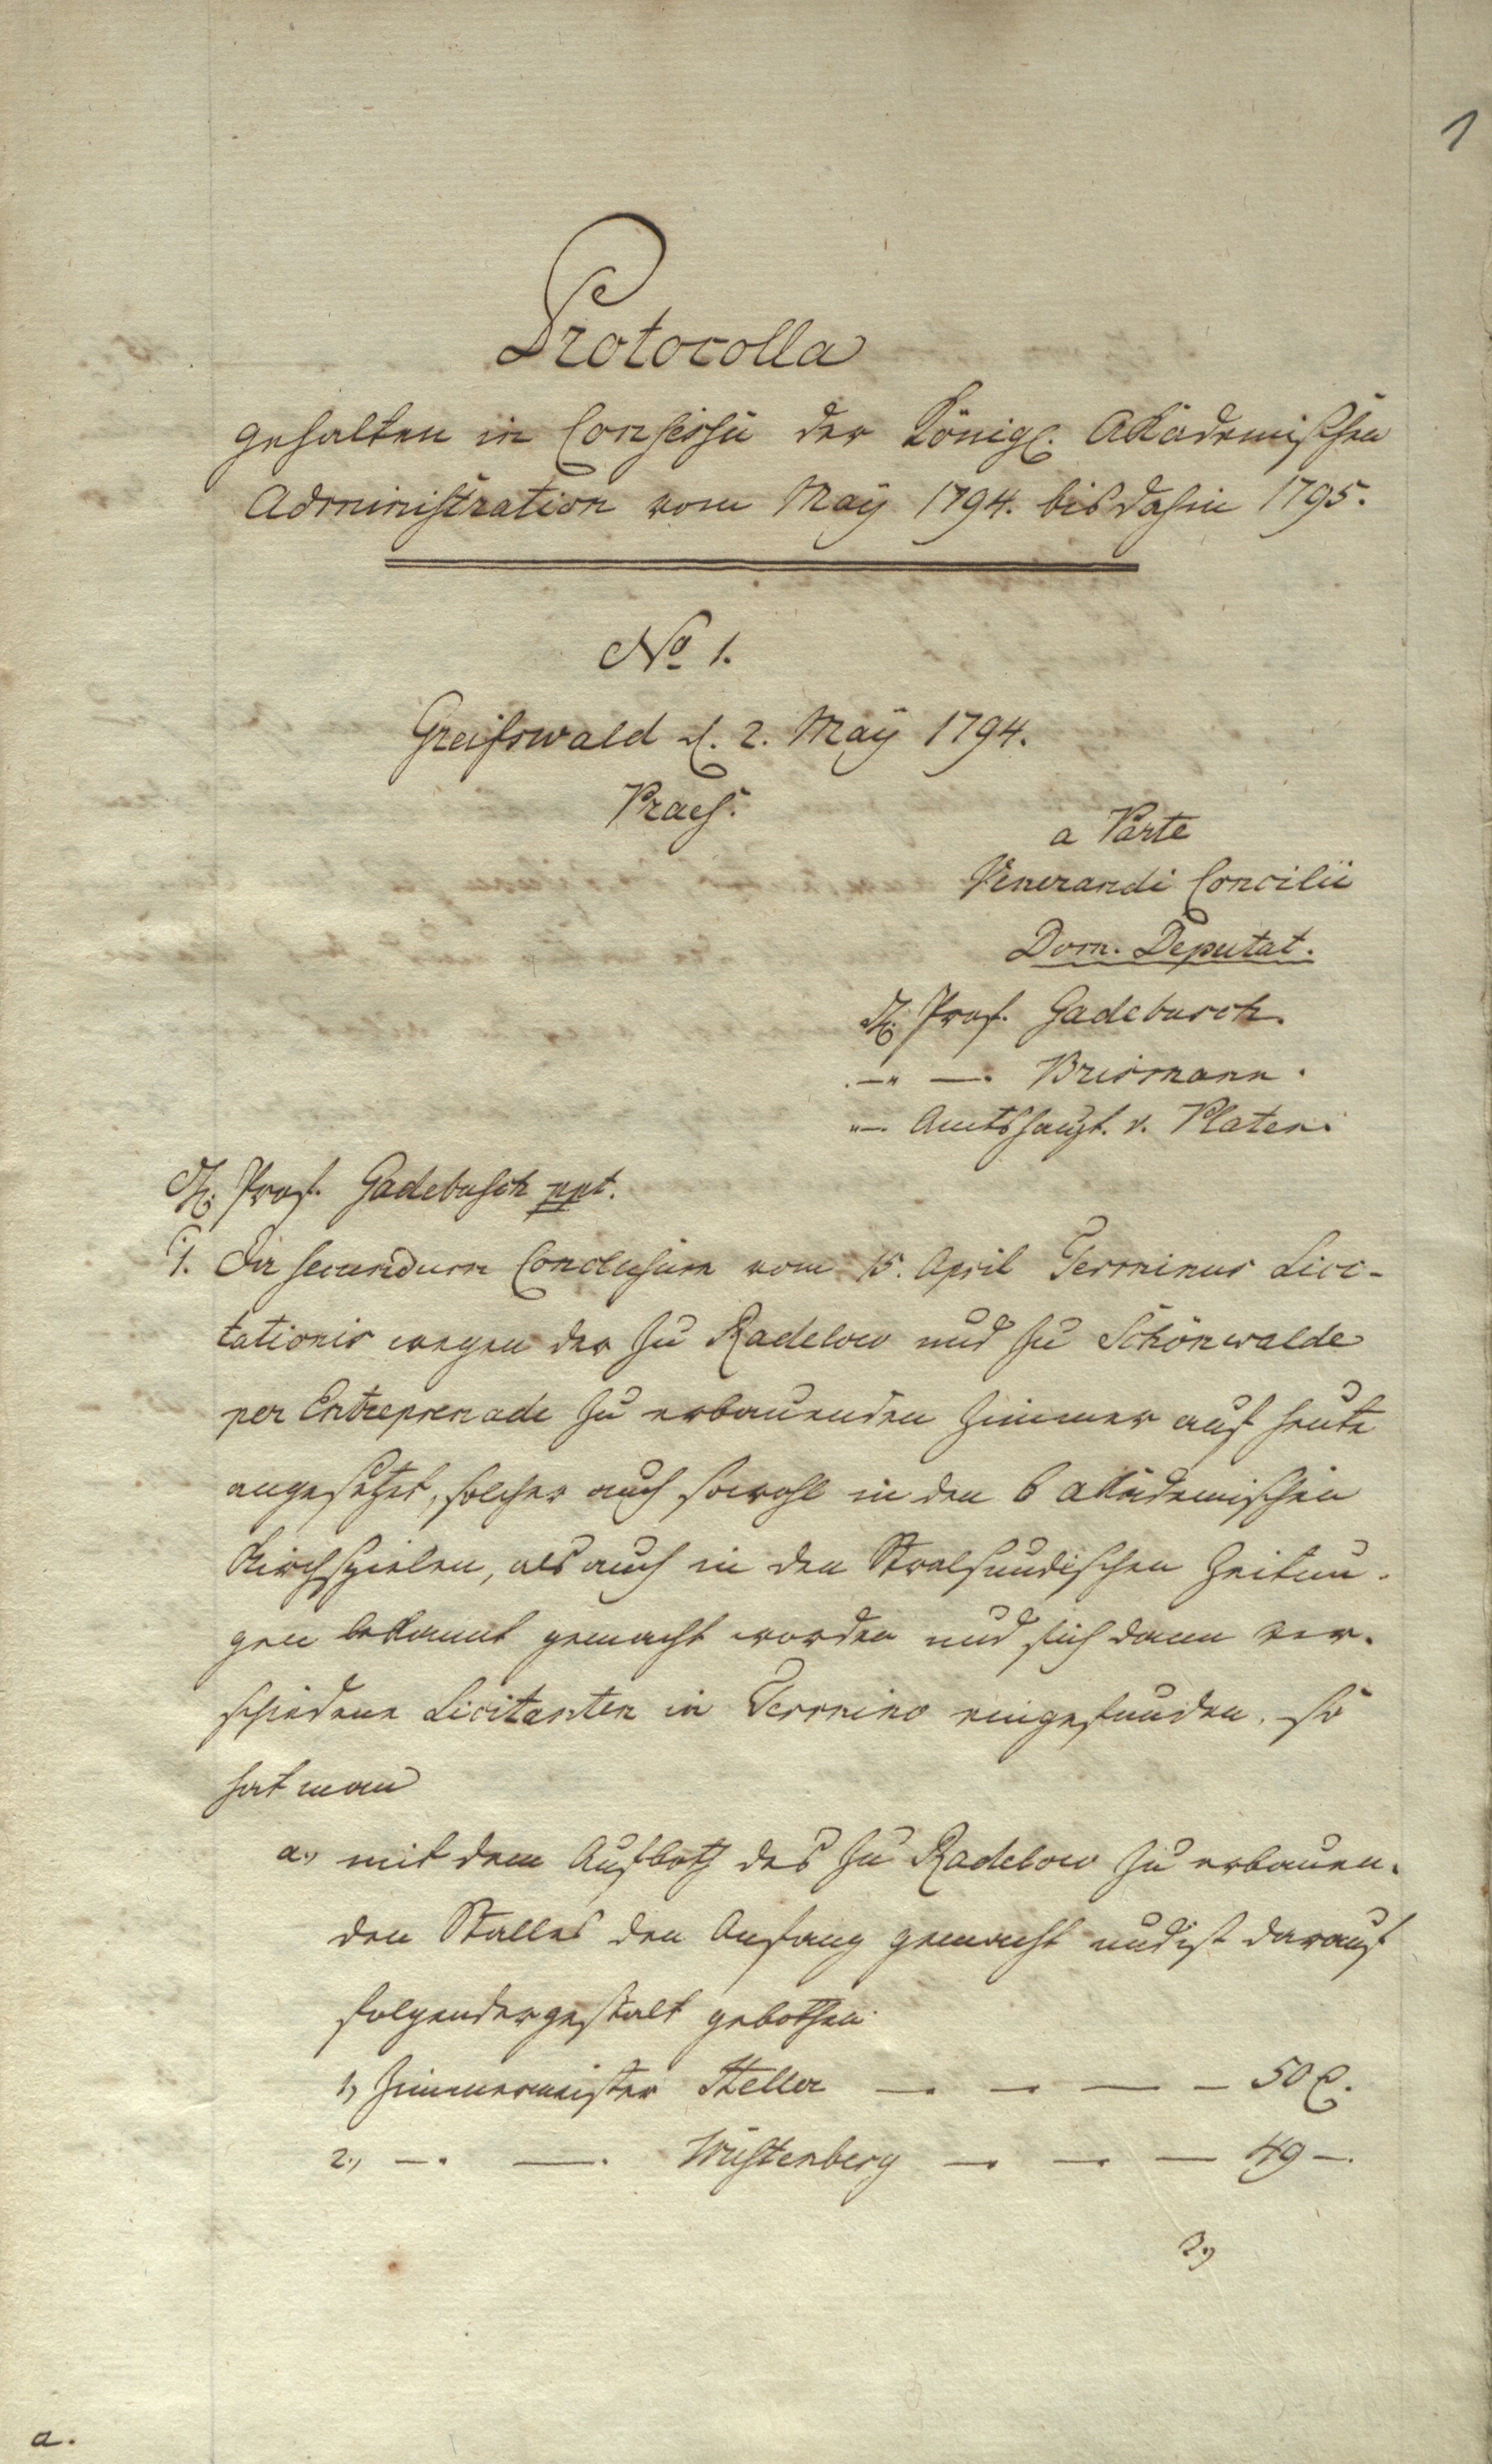Protocolla
gehalten in Consessu der Königl. Akademischen
Administration vom May 1794. bis dahin 1795.
Nr. 1.
Greifswald d. 2. May 1794.
Praes. a Parte
Venerandi Concilii
Dom. Deputat.
dh. Prof. Gadebusch.
"-"-" Brismann.
"-" Amtshaupt. v. Platen.
dh. Prof. Gadebusch ppt.
1. Da secundum Conclusum vom 15. April Terminus Lici¬
tationis wegen der zu Radelow und zu Schönwalde
per Entreprenade zu erbauenden Zimmer auf heute
angesetzet, solche auch sowohl in den 6 akademischen
Kirchspielen, als auch in den Stralsundischen Zeitun¬
gen bekannt gemacht worden und sich dann ver¬
schiedene Licitanten in Termino eingefunden, so
hat man
a., mit dem Aufboth des zu Radelow zu erbauen¬
den Stalles den Anfang gemacht und ist darauf
folgendergestalt gebothen
1, Zimmermeister Heller ————50rtl.
2., - " - " Wüstenberg - "- " - 49 -
3.,